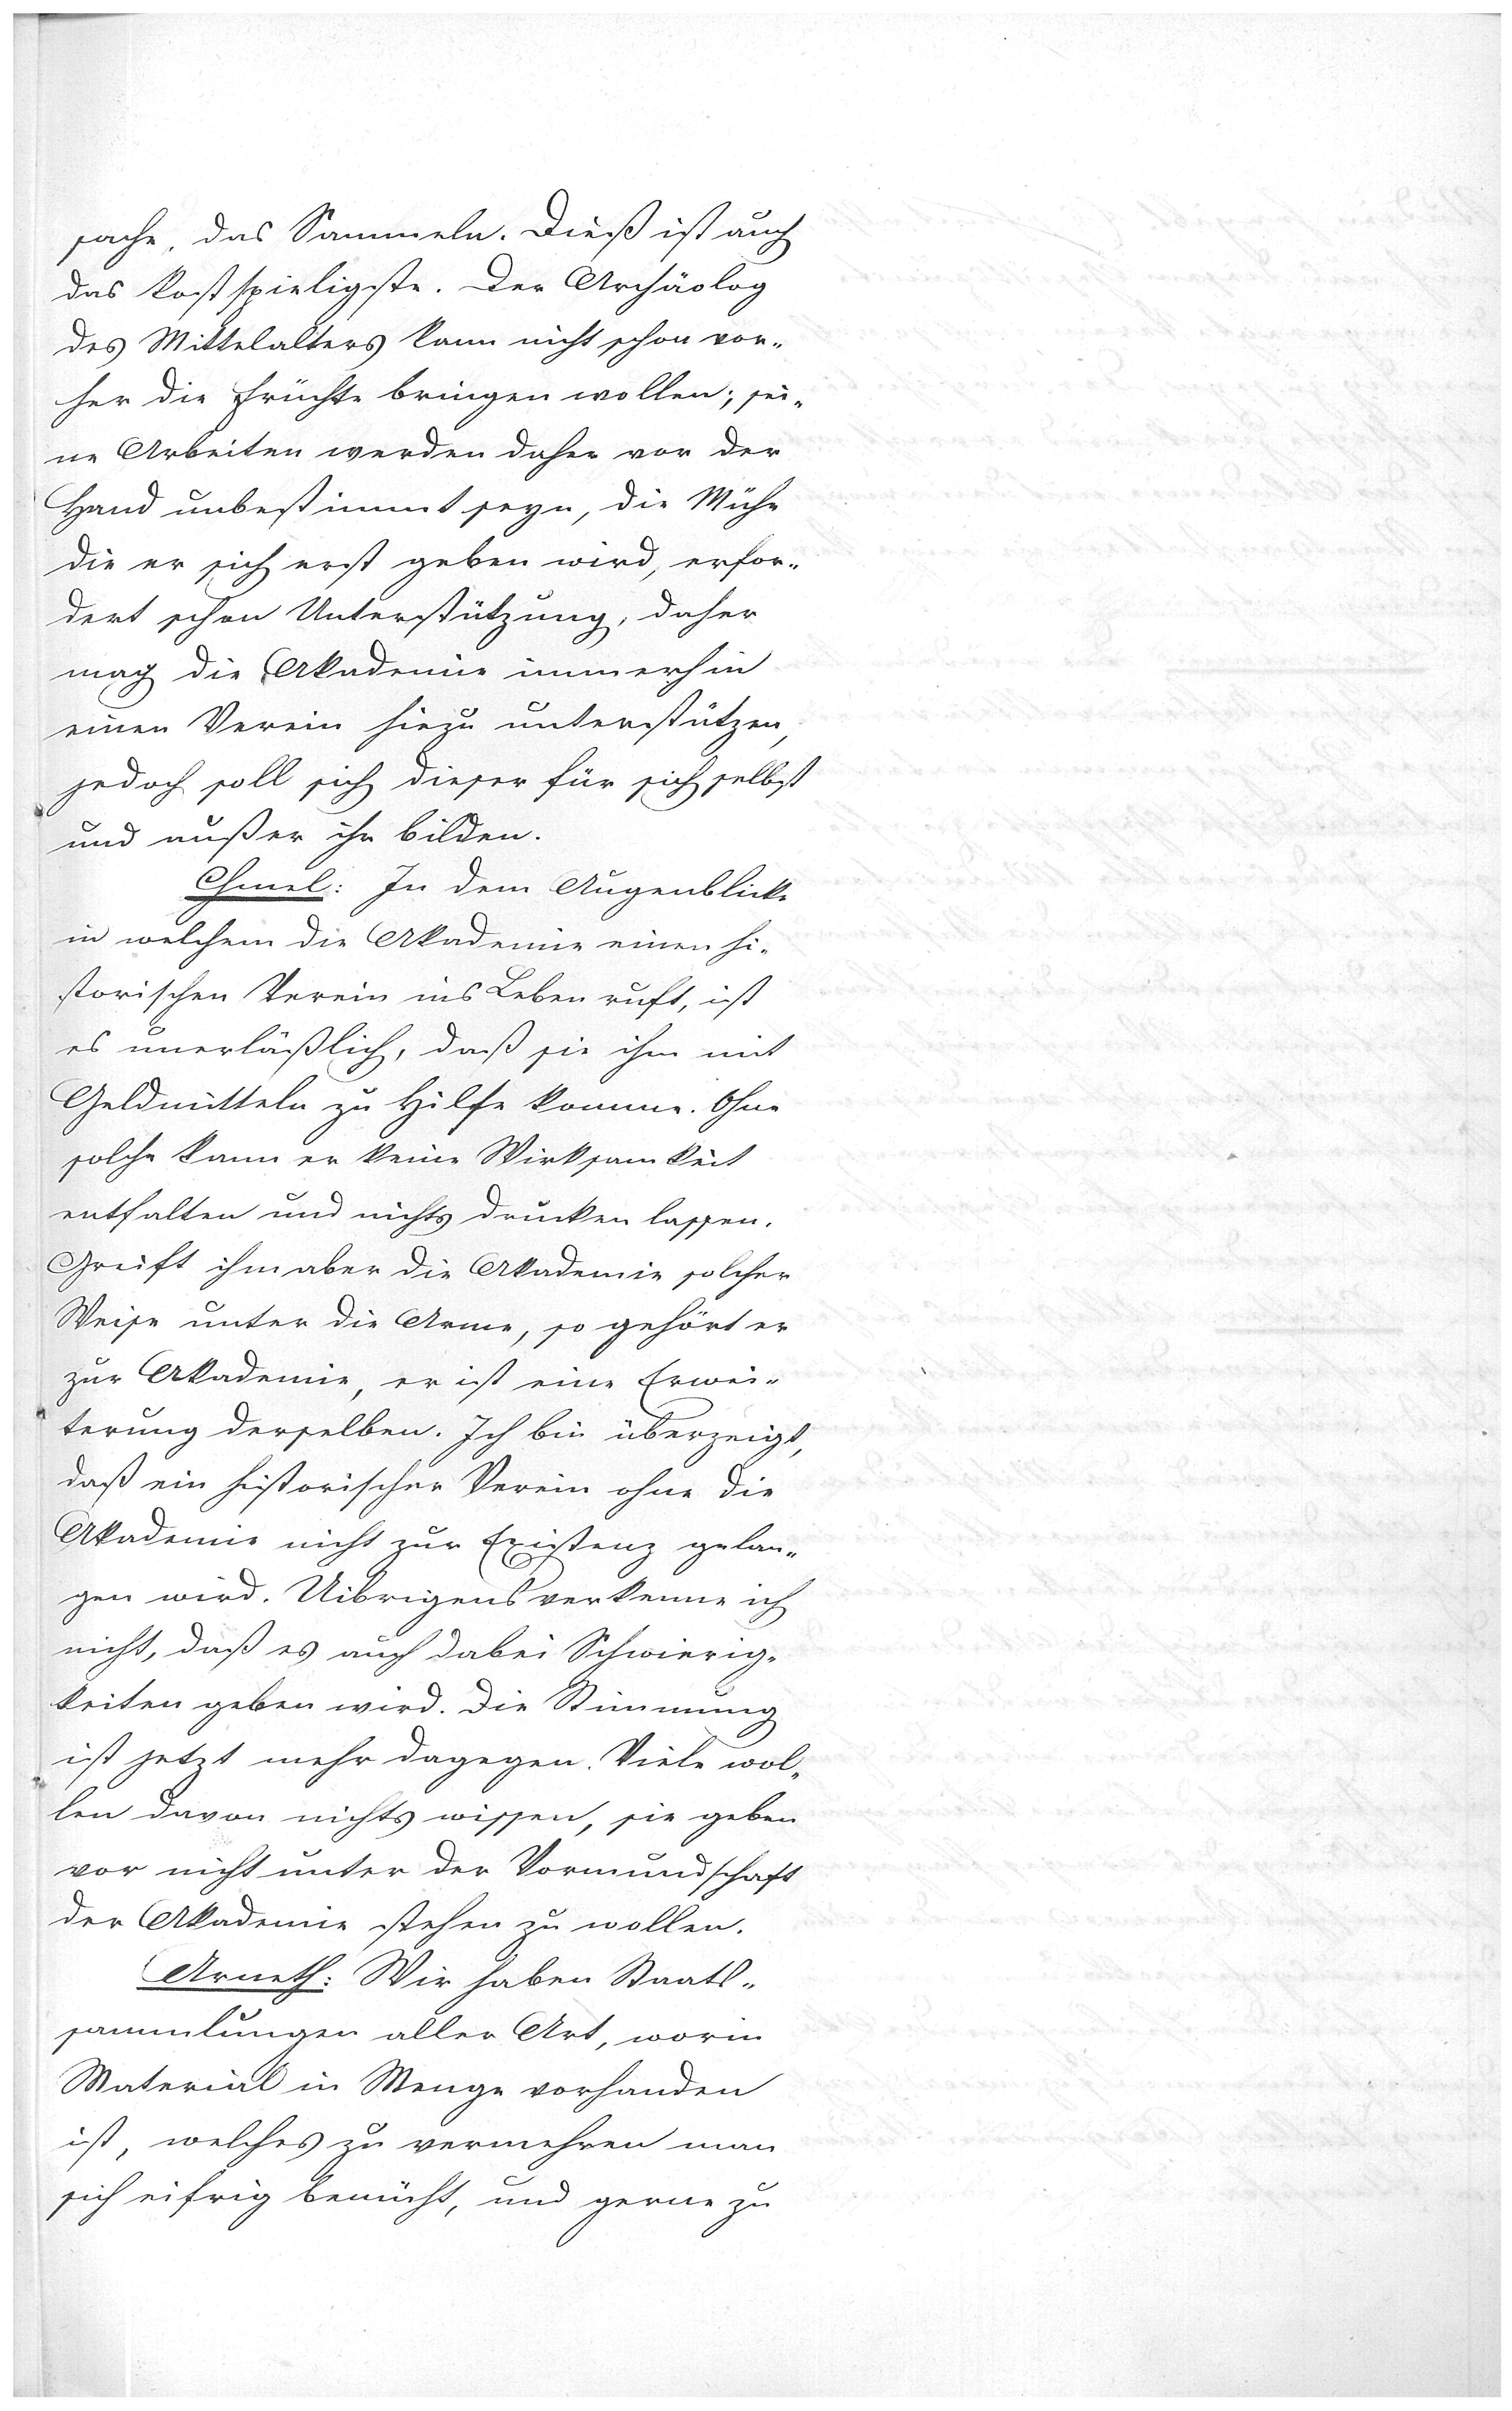sache, das Sammeln. Dieß ist auch
das Kostspieligste. Der Archäolog
des Mittelalters kann nicht schon vor-
her die Früchte bringen wollen; sei-
ne Arbeiten werden daher vor der
Hand unbestimmt seyn, die Mühe,
die er sich erst geben wird, erfor-
dert schon Unterstützung, daher
mag die Akademie immerhin
einen Verein hiezu unterstützen,
jedoch soll sich dieser für sich selbst
und außer ihr bilden.
Chmel: In dem Augenblick,
in welchem die Akademie einen hi-
storischen Verein uns Leben rufe, ist
es unerläßlich, daß sie ihm mit
Geldmitteln zu Hilfe komme. Ohne
solche kann er keinen Wirksamkeit
entfalten und nichts drucken lassen.
Greift ihm aber die Akademie solcher
Weise unter die Arme, so gehört er
zur Akademie, er ist eine Erwei-
terung derselben. Ich bin überzeugt,
daß ein historischer Verein ohne die-
Akademie nicht zur Existenz gelan-
gen wird. Uibrigens verkenne ich
nicht, daß es auch dabei Schwierig-
keiten geben wird. Die Stimmung
ist jetzt mehr dagegen. Viele wol-
len davon nichts wissen, sie geben
vor nicht unter der Vormundschaft
der Akademie stehen zu wollen.
Arneth: Wir haben Staats-
sammlungen aller Art, worin
Material in Menge vorhanden
ist, welches zu vermehren man
sich eifrig bemüht, und gerne zu